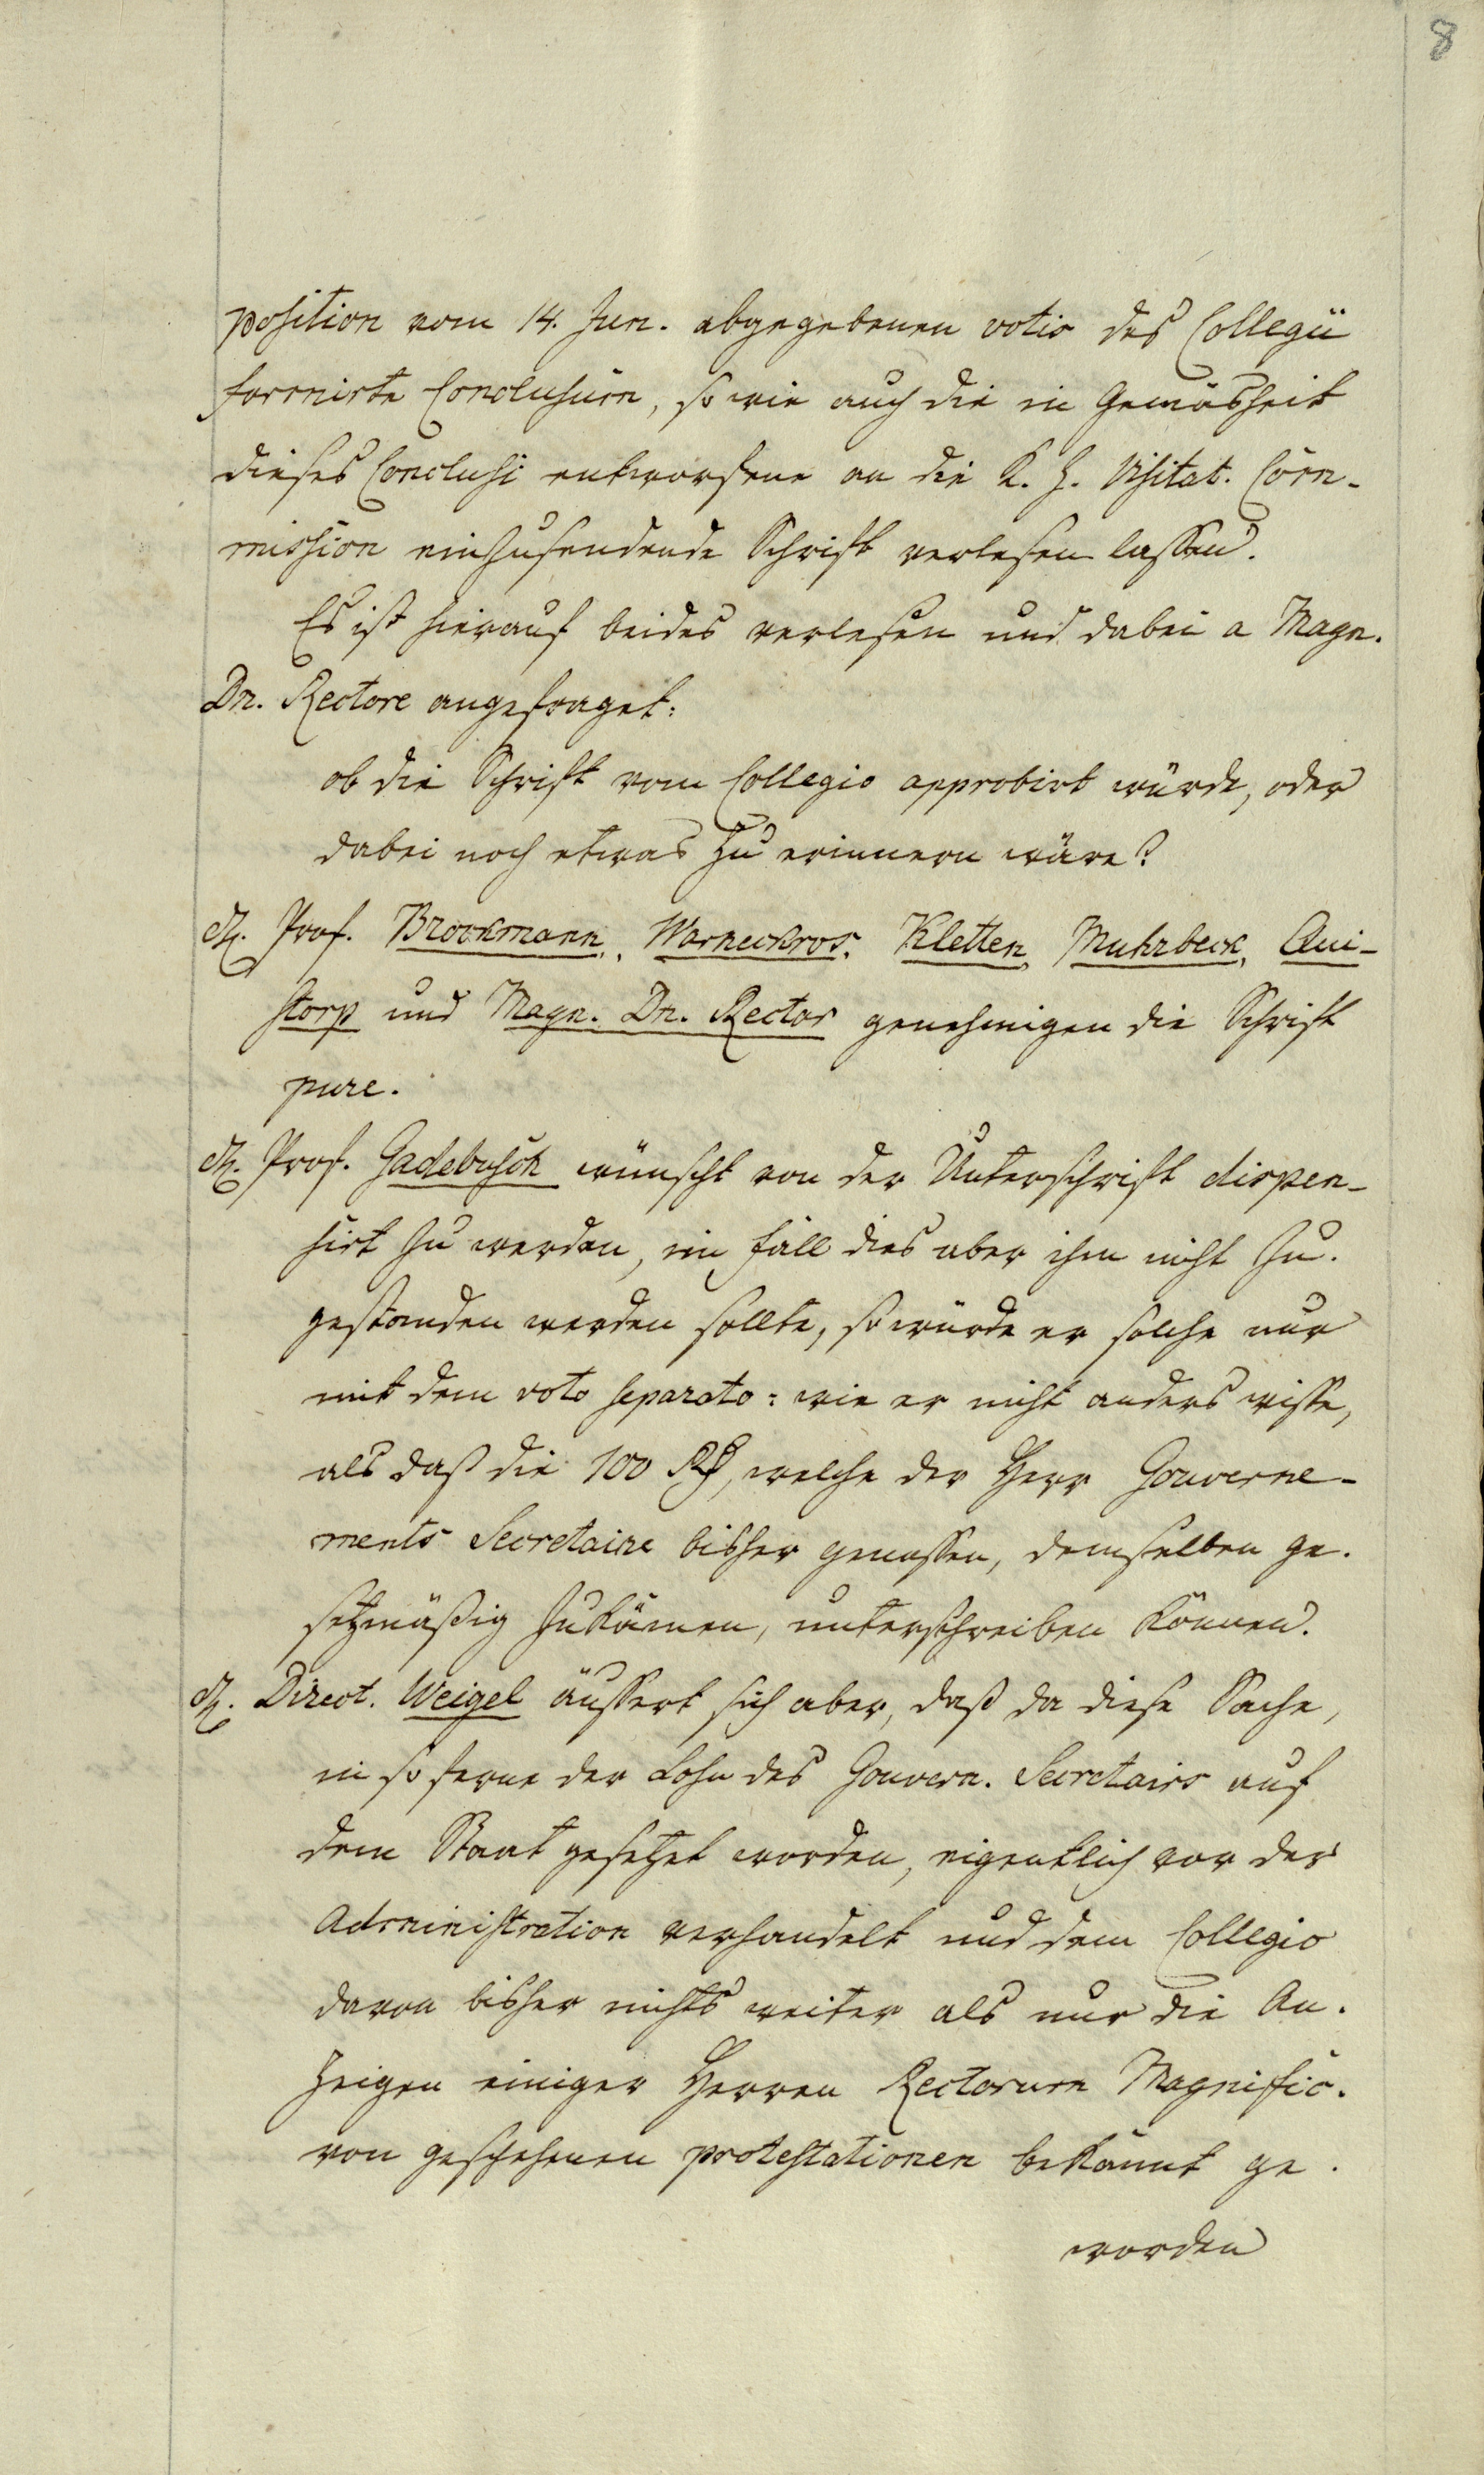position vom 14. Jun. abgegebenen votis des Collegii
formirte Conclusum, so wie auch die in Gemäsheit
dieses Conclusi entworfene an die K. H. Visitat. Com¬
mission einzusendende Schrift verlesen lassen
Es ist hierauf beides verlesen und dabei a Magn.
Dn. Rectore angefraget:
ob die Schrift vom Collegio approbirt würde, oder
dabei noch etwas zu erinnern wäre?
dh. Prof. Brockmann, Warneckros, Kletten, Muhrbeck, Qui¬
storp und Magn. Dn. Rector genehmigen die Schrift
pure.
dh. Prof. Gadebusch wünscht von der Unterschrift dispen¬
sirt zu werden, im Fall dies aber ihm nicht zu¬
gestanden werden sollte, so würde er solche nur
mit dem voto separato: wie er nicht anders wisse,
als daß die 100 rtl., welche der Herr Gouverne¬
ments Secretaire bisher genossen, demselben ge¬
setzmäßig zukämen, unterschreiben könne?
dh. Direct. Weigel äußert sich aber, daß da diese Sache,
in so ferne der Lohn des Gouvern. Secretaire auf
dem Staat gesetzt worden, eigentlich vor der
Administration verhandelt und dem Collegio
davon bisher nichts weiter als nur die An¬
zeigen einiger Herren Rectorum Magnific.
von geschehenen protestationen bekannt ge¬
worden